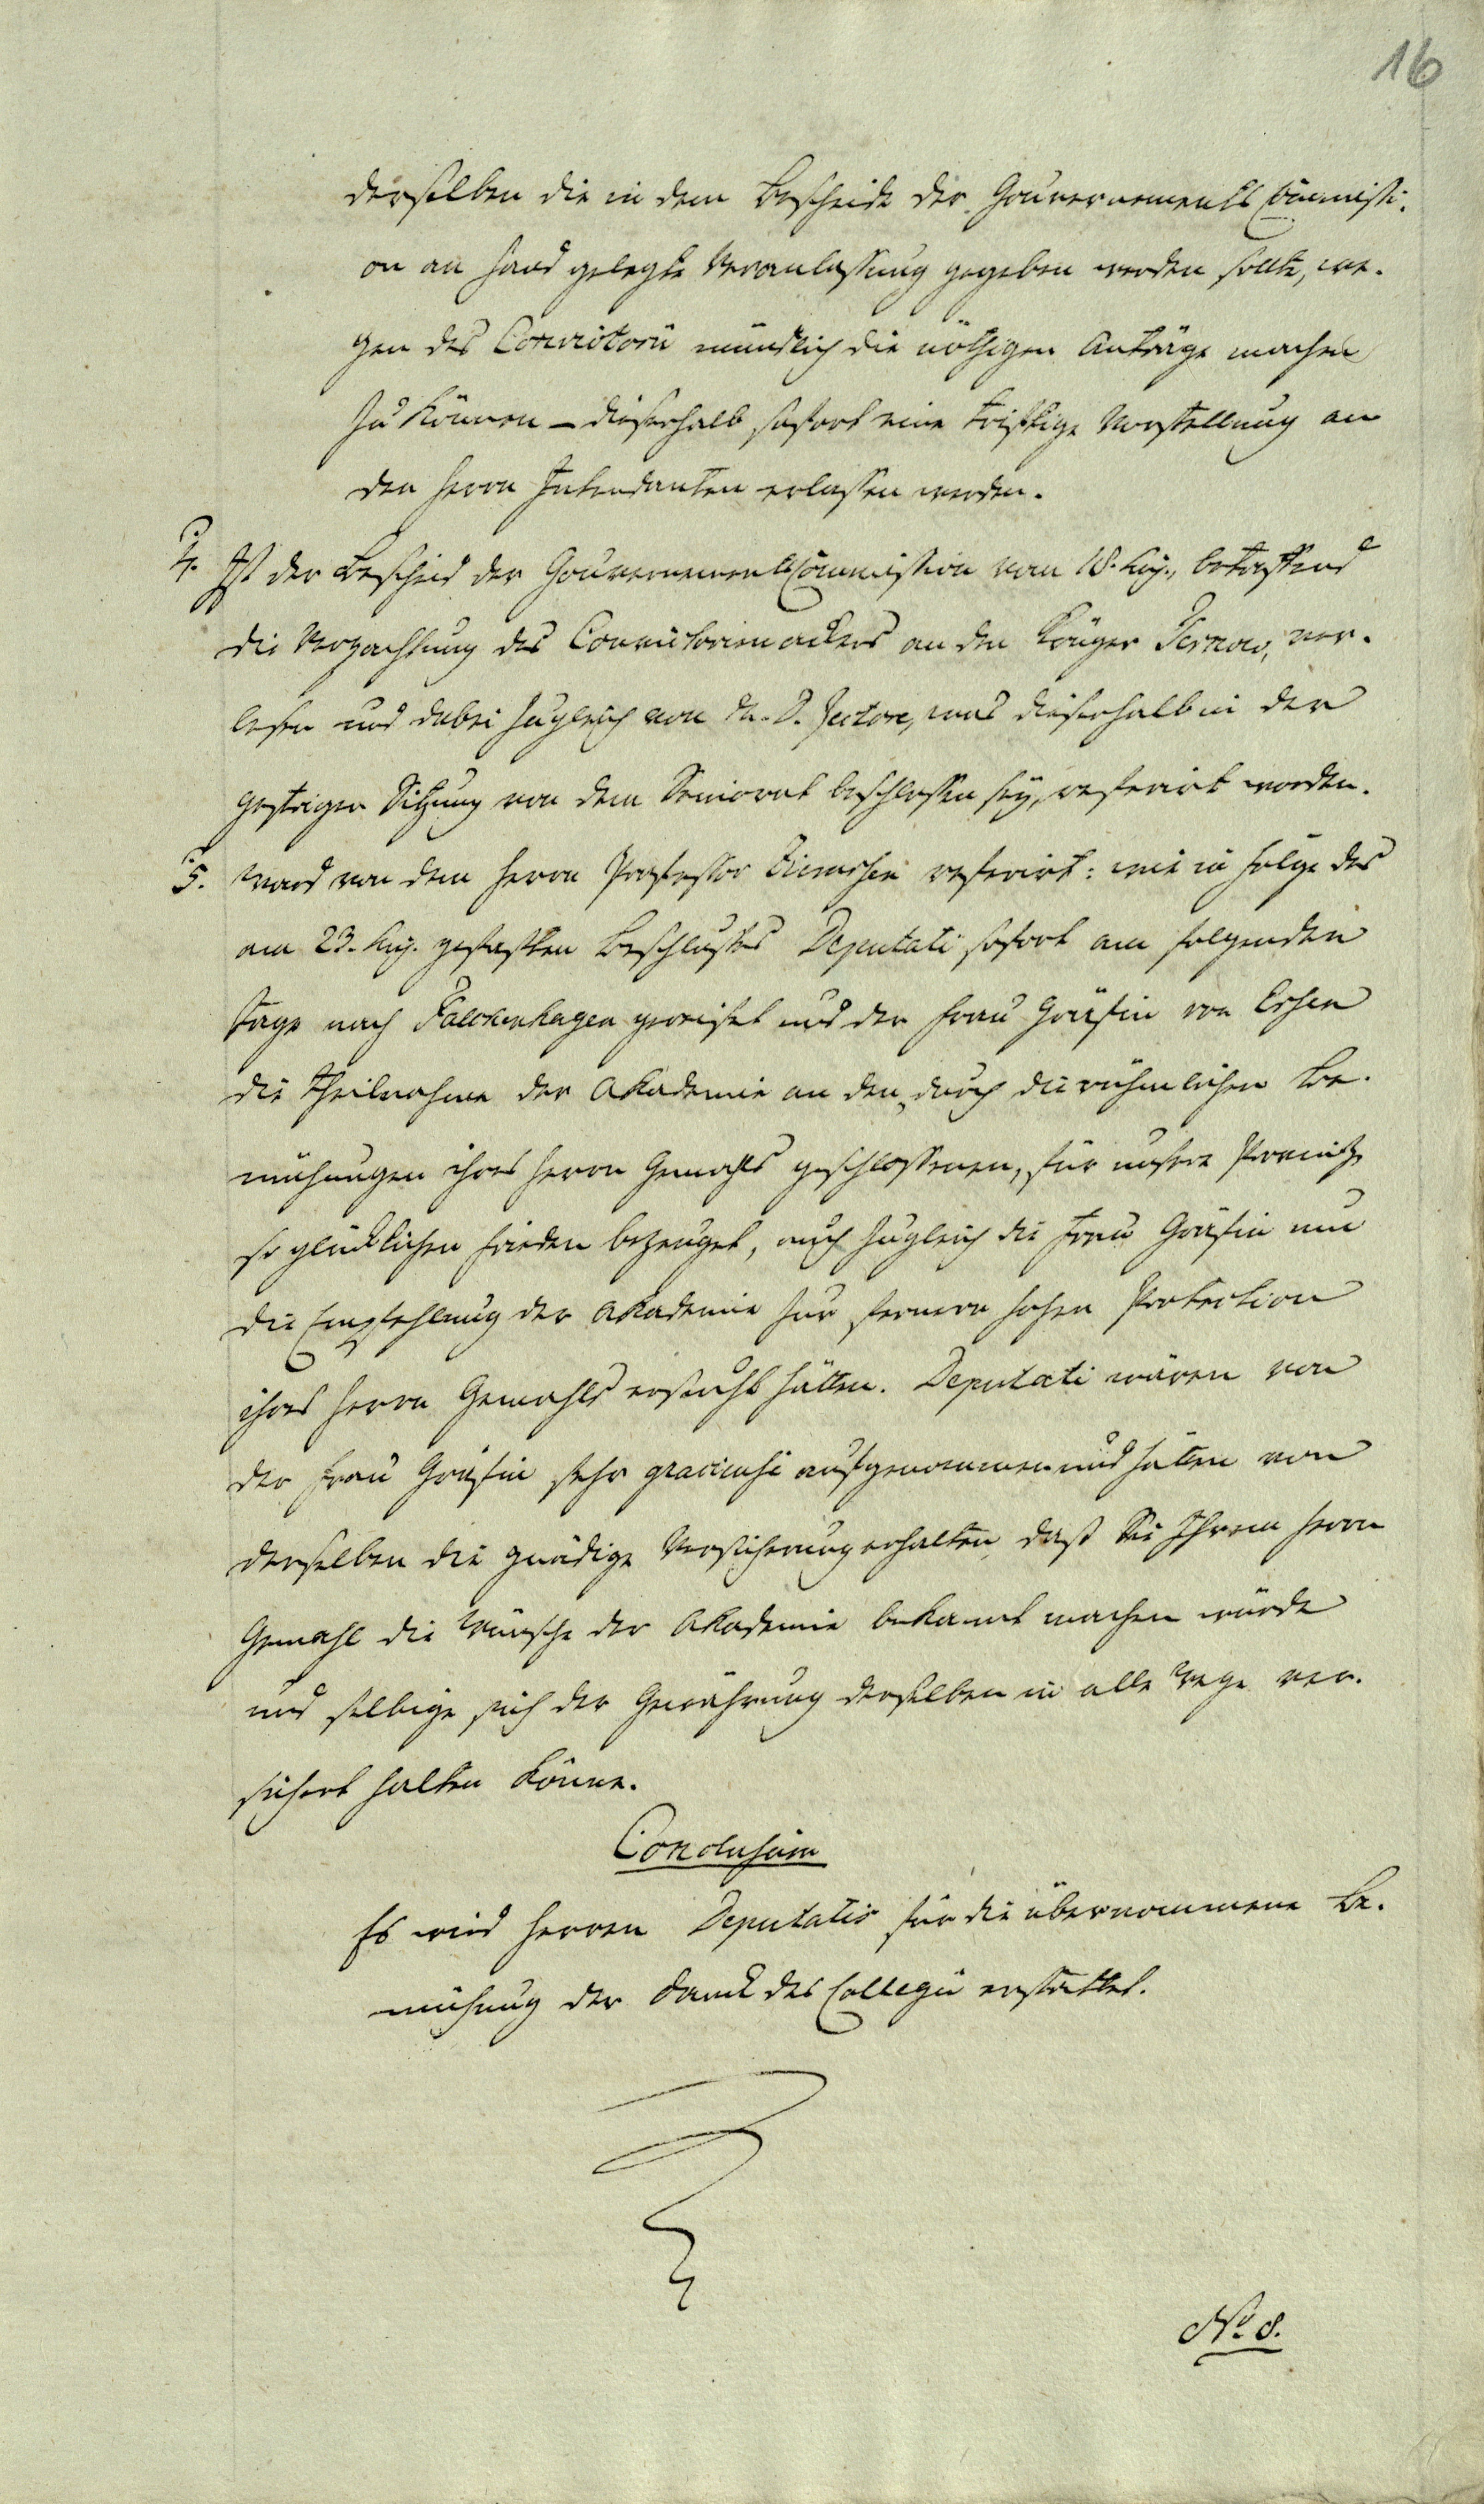derselben die in dem Bescheide der Gouvernements Commissi¬
on an Hand gelegte Veranlassung gegeben werden sollte, we¬
gen des Convictorii mündlich die nöthigen Anträge machen
zu können - dieserhalb sofort eine triftige Vorstellung an
den Herrn Intendanten erlassen werden.
4. Ist der Bescheid der Gouvernements Commission vom 18 huj. betreffend
die Verpachtung des Convictorienackers an den Krüger Ternow, ver¬
lesen und dabei zugleich von M. D. Rectore, was dieserhalb in der
gestrigen Sitzung von dem Seniorat beschlossen seÿ, referirt worden.
5. Ward von dem Herrn Professor Ziemssen referirt: wie in Folge des
am 23. huj. gefaßten Beschlusses Deputati sofort am folgenden
Tage nach Falckenhagen gereiset und der Frau Gräfin von Essen
die Theilnahme der Akademie an den, durch die rühmlichen Be¬
mühungen ihres Herrn Gemahls geschlossenen, für unsere Provinz
so glücklichen Frieden bezeuget, auch zugleich die Frau Gräfin um
die Empfehlung der Akademie zur fernern hohen Protection
ihres Herrn Gemahls ersucht hätten. Deputati wären von
der Frau Gräfin sehr gracieuse aufgenommen und hätten von
derselben die gnädige Versicherung erhalten, daß Sie Ihrem Herrn
Gemahl die Wünsche der Akademie bekannt machen würde
und selbige sich der Gewährung derselben in alle Wege ver¬
sichert halten könne.
Conclusum
Es wird Herren Deputatis für die übernommene Be¬
mühung der Dank des Collegii erstattet.
No 8.